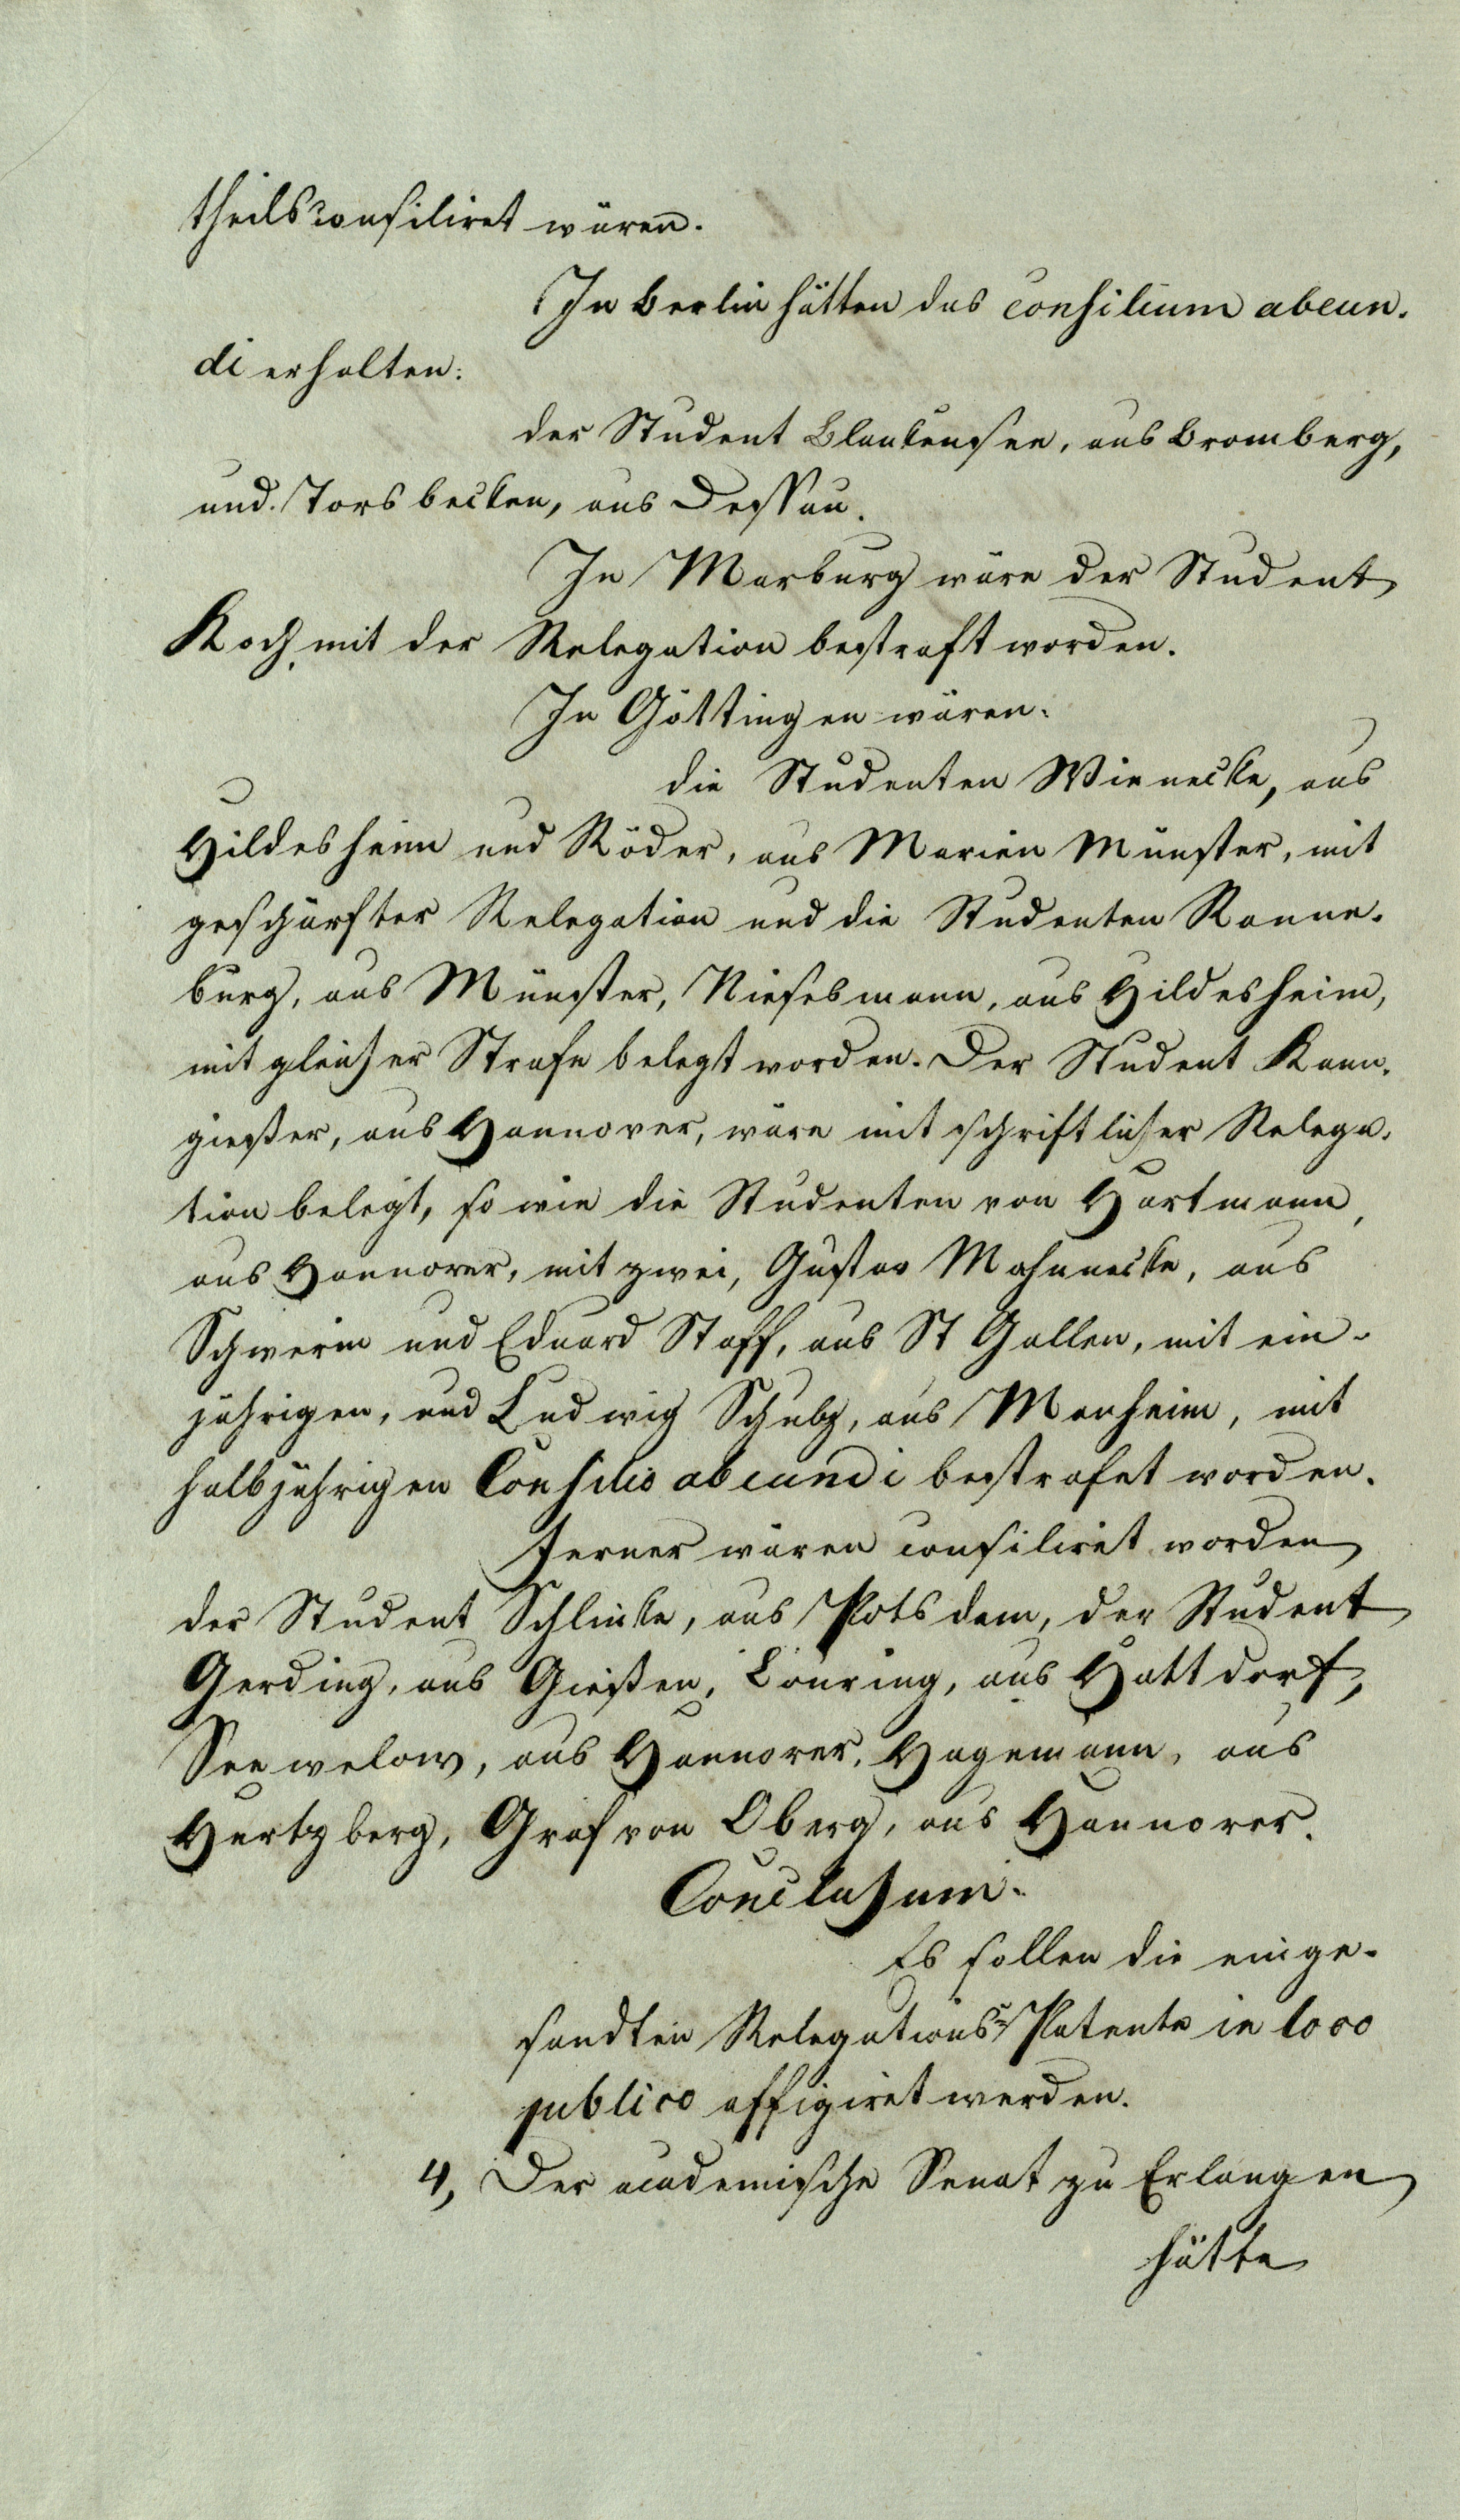theils consiliret wären.
In berlin hätten das consilium abeun¬
di erhalten:
der Student Blankensee, aus Bromberg,
und Torsbecken aus Dessau.
In Marburg wäre der Student
Koch mit der Relegation bestraft worden.
In Göttingen wären:
die Studenten Wienecke, aus
Hildesheim und Röder, aus Marien Münster, mit
geschärfter Relegation und die Studenten Ronne¬
burg, aus Münster, Nieselmann, aus Hildesheim,
mit gleicher Strafe belegt worden. Der Student Kann¬
gießer, aus Hannover, wäre mit schriftlicher Relega¬
tion belegt, so wie die Studenten von Hartmann,
aus Hannover, mit zwei, Gustav Mohnnecke, aus
Schwerin und Eduard Staff, aus St Gallen, mit ein¬
jährigen, und Ludwig Schulz, aus Manheim, mit
halbjährigen Consilio abeundi bestrafet worden.
Ferner wären consiliret worden
der Student Schlinke, aus Potsdam, der Student
Gerding aus Gießen, Conring aus Hattdorf,
Seewelow, aus Hannover, Hagemann, aus
Hertzberg, Graf von Oberg, aus Hannover.
Conclusum:
Es sollen die einge¬
sandten Relegations Patente in loco
publico affigiret werden.
4, Der academische Senat zu Erlangen
hätte